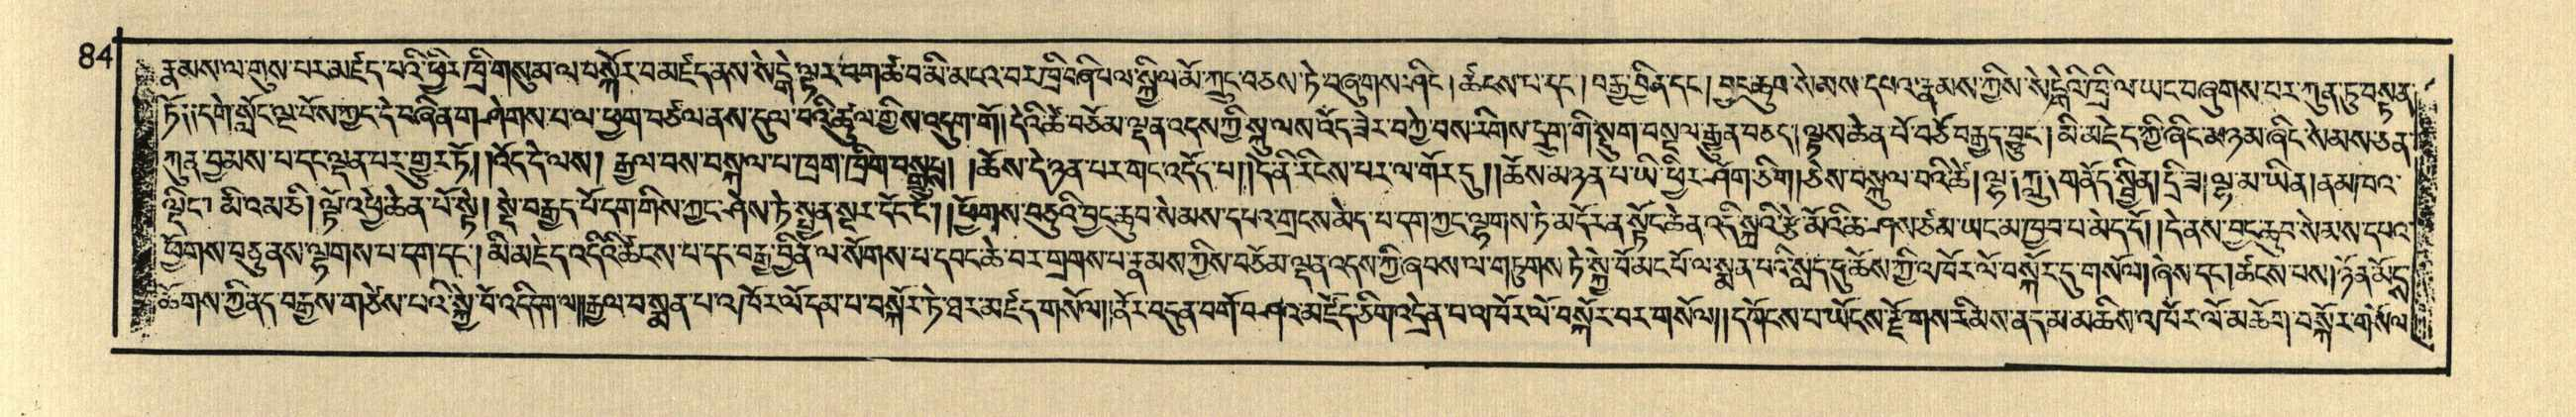རྣམས་ལ་གུས་པར་མཛད་པའི་ཕྱིར་ཁྲི་གསུམ་ལ་བསྐོར་བ་མཛད་ནས་སེངྒེ་ལྟར་བག་ཚ་བ་མི་མངའ་བར་ཁྲི་བཞི་པ་ལ་སྐྱིལ་མོ་ཀྲུང་བཅས་ཏེ་བཞུགས་ཤིང་། ཚངས་པ་དང་། བརྒྱ་བྱིན་དང་། བྱང་ཆུབ་སེམས་དཔའ་རྣམས་ཀྱིས་སེངྒེའི་ཁྲི་ལ་ཡང་བཞུགས་པར་ཀུན་ཏུ་བསྟན་
ཏོ༑ ༑དགེ་སློང་ལྔ་པོས་ཀྱང་དེ་བཞིན་གཤེགས་པ་ལ་ཕྱག་བཙལ་ནས་དུལ་བའི་ཚུལ་གྱིས་འདུག་གོ། དེའི་ཚེ་བཅོམ་ལྡན་འདས་ཀྱི་སྐུ་ལས་འོད་ཟེར་བཀྱེ་བས་རིགས་དྲུག་གི་སྡུག་བསྔལ་རྒྱུན་བཅད། ལྟས་ཆེན་པོ་བཅོ་བརྒྱད་བྱུང་། མི་མཇེད་ཀྱི་ཞིང་མཉམ་ཞིང་སེམས་ཅན་
ཀུན་བྱམས་པ་དང་ལྡན་པར་གྱུར་ཏོ། །འོད་དེ་ལས། རྒྱལ་བས་བསྐལ་པ་ཁྲག་ཁྲིག་བསྒྲུབས། །ཆོས་དེ་ཉན་པར་གང་འདོད་པ། །དེ་ནི་རིངས་པར་ལ་གོར་དུ། །ཆོས་མཉན་པ་ཡི་ཕྱིར་ཤོག་ཅིག། །ཅེས་བསྐུལ་བའི་ཚེ། ལྷ༑ ཀླུ༑ གནོད་སྦྱིན། དྲི་ཟ། ལྷ་མ་ཡིན། ནམ་མཁའ་
ལྡིང་། མིའམ་ཅི། ལྟོ་འཕྱེ་ཆེན་པོ་སྟེ། སྡེ་བརྒྱད་པོ་དག་གིས་ཀྱང་ཤེས་ཏེ་སྤྱན་སྔར་དོང་ངོ། །ཕྱོགས་བཅུའི་བྱང་ཆུབ་སེམས་དཔའ་གྲངས་མེད་པ་དག་ཀྱང་ལྷགས་ཏེ་མདོར་ན་སྟོང་ཆེན་འདི་སྐྲའི་རྩེ་མོའི་ཆ་ཤས་ཙམ་ཡང་མ་ཁྱབ་པ་མེད་དོ། །དེ་ནས་བྱང་ཆུབ་སེམས་དཔའ་
ཕྱོགས་བཅུ་ནས་ལྷགས་པ་དག་དང་། མི་མཇེད་འདིའི་ཚངས་པ་དང་བརྒྱ་བྱིན་ལ་སོགས་པ་དབང་ཆེ་བར་གྲགས་པ་རྣམས་ཀྱིས་བཅོམ་ལྡན་འདས་ཀྱི་ཞབས་ལ་གཏུགས་ཏེ་སྐྱེ་བོ་མང་པོ་ལ་སྨན་པའི་སླད་དུ་ཆོས་ཀྱི་འཁོར་ལོ་བསྐོར་དུ་གསོལ། ཞེས་དང་། ཚངས་པས། ཉོན་མོངས་
ཆོགས་ཀྱི་ནད་བརྒྱས་གཙེས་པའི་སྐྱེ་བོ་འདི་དག་ལ། །རྒྱལ་བ་སྨན་པ་འཁོར་ལོ་དམ་པ་བསྐོར་ཏེ་ཐར་མཛད་གསོལ། །ནོར་བདུན་བགོ་བཤའ་མཛོད་ཅིག་འདྲེན་པ་འཁོར་ལོ་བསྐོར་བར་གསོལ། །དགོངས་པ་ཡོངས་རྫོགས་རིམས་ནད་མ་མཆིས་འཁོར་ལོ་མཆོག་བསྐོར་གསོལ་